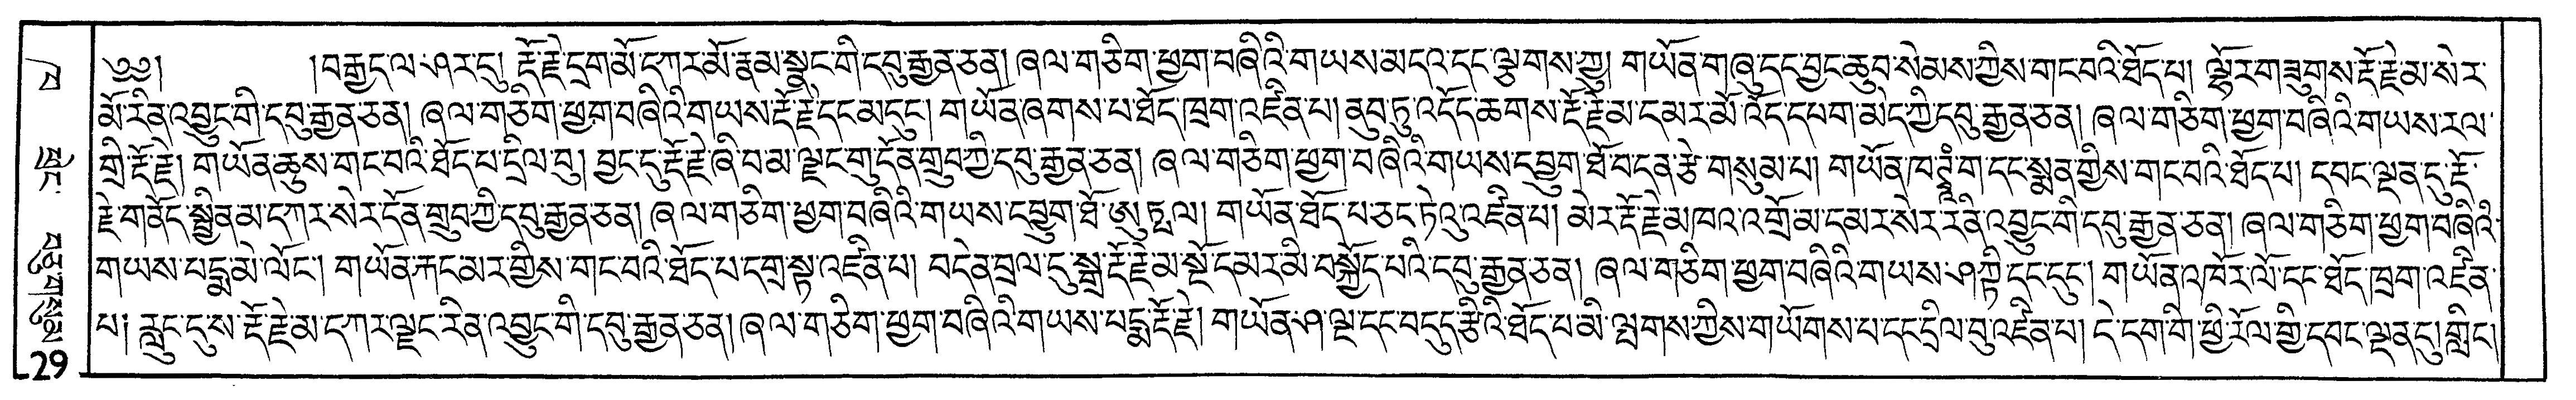༄༅། །བརྒྱད་ལ་ཤར་དུ། རྡོ་རྗེ་དྲག་མོ་དཀར་མོ་རྣམ་སྣང་གི་དབུ་རྒྱན་ཅན། ཞལ་གཅིག་ཕྱག་བཞིའི་གཡས་མདའ་དང་ལྕགས་ཀྱུ། གཡོན་གཞུ་དང་བྱང་ཆུབ་སེམས་ཀྱིས་གང་བའི་ཐོད་པ། ལྷོར་གཟུགས་རྡོ་རྗེ་མ་སེར་
མོ་རིན་འབྱུང་གི་དབུ་རྒྱན་ཅན། ཞལ་གཅིག་ཕྱག་བཞིའི་གཡས་རྡོ་རྗེ་དང་མདུང་། གཡོན་ཞགས་པ་ཐོད་ཁྲག་འཛིན་པ། ནུབ་ཏུ་འདོད་ཆགས་རྡོ་རྗེ་མ་དམར་མོ་འོད་དཔག་མེད་ཀྱི་དབུ་རྒྱན་ཅན། ཞལ་གཅིག་ཕྱག་བཞིའི་གཡས་རལ་
གྲི་རྡོ་རྗེ། གཡོན་ཆུས་གང་བའི་ཐོད་པ་དྲིལ་བུ། བྱང་དུ་རྡོ་རྗེ་ཞི་བ་མ་ལྗང་གུ་དོན་གྲུབ་ཀྱི་དབུ་རྒྱན་ཅན། ཞལ་གཅིག་ཕྱག་བཞིའི་གཡས་དབྱུག་ཐོ་བ་དན་རྩེ་གསུམ་པ། གཡོན་ཁ་ཊྭཱཾ་ག་དང་སྨན་གྱིས་གང་བའི་ཐོད་པ། དབང་ལྡན་དུ་རྡོ་
རྗེ་གནོད་སྦྱིན་མ་དཀར་སེར་དོན་གྲུབ་ཀྱི་དབུ་རྒྱན་ཅན། ཞལ་གཅིག་ཕྱག་བཞིའི་གཡས་དབྱུག་ཐོ་ཨུཏྤལ། གཡོན་ཐོད་པ་ཅང་ཏེའུ་འཛིན་པ། མེར་རྡོ་རྗེ་མཁའ་འགྲོ་མ་དམར་སེར་རིན་འབྱུང་གི་དབུ་རྒྱན་ཅན། ཞལ་གཅིག་ཕྱག་བཞིའི་
གཡས་པདམ་མེ་ལོང་། གཡོན་རྐང་མར་གྱིས་གང་བའི་ཐོད་པ་དགྲ་སྟ་འཛིན་པ། བདེན་བྲལ་དུ་སྒྲ་རྡོ་རྗེ་མ་སྔོ་དམར་མི་བསྐྱོད་པའི་དབུ་རྒྱན་ཅན། ཞལ་གཅིག་ཕྱག་བཞིའི་གཡས་ཤཀྟི་དང་དུང་། གཡོན་འཁོར་ལོ་དང་ཐོད་ཁྲག་འཛིན་
པ༑ རླུང་དུ་ས་རྡོ་རྗེ་མ་དཀར་ལྗང་རིན་འབྱུང་གི་དབུ་རྒྱན་ཅན། ཞལ་གཅིག་ཕྱག་བཞིའི་གཡས་པདམ་རྡོ་རྗེ། གཡོན་ཤ་ལྔ་དང་བདུད་རྩིའི་ཐོད་པ་མི་ལྤགས་ཀྱིས་གཡོགས་པ་དང་དྲིལ་བུ་འཛིན་པ། དེ་དག་གི་ཕྱི་རོལ་གྱི་དབང་ལྡན་དུ། གླིང་།